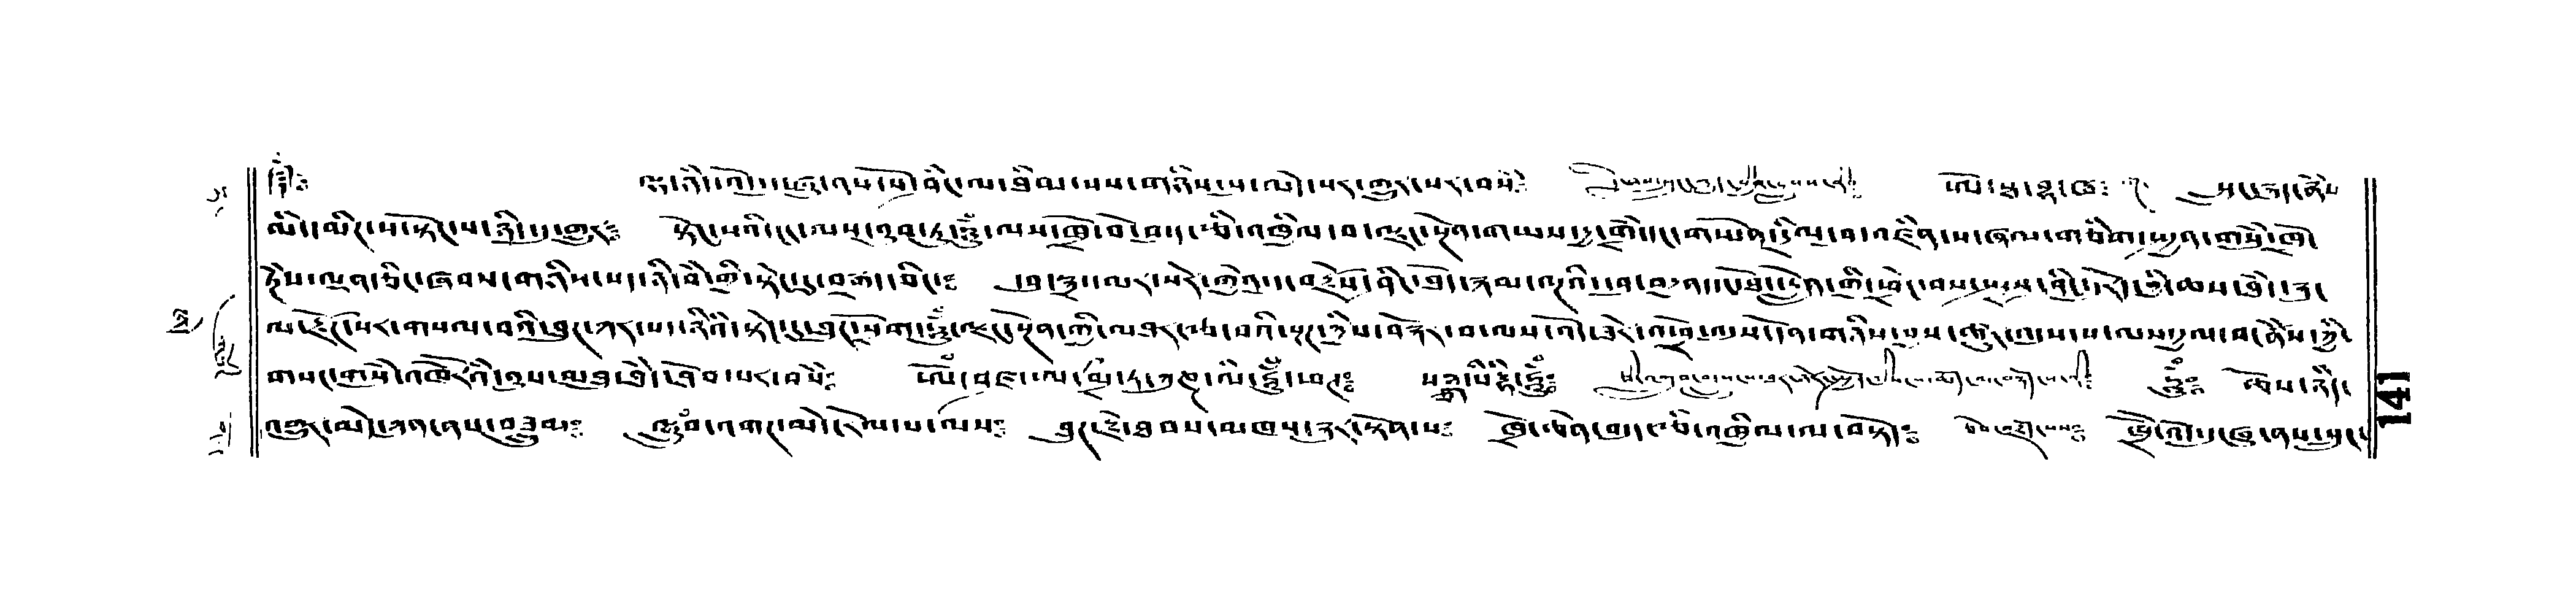ལྷ་ཉིད་འོད་དུ་ཞུ་ནས་སོ་ཤིང་ལ་ཐིམ་པས་གཉིས་སུ་མེད་པར་གྱུར་པར་བསམ༔དེ་ནས་སྲུང་སྐུད་བྱིན་རླབས་ནི༔ ཨོཾ་སྭ་བྷ་ཝ༴ སོགས༔ སྲུང་སྐུད་རྣམས་
མི་དམིགས་པ་སྟོང་པ་ཉིད་དུ་གྱུར༔ སྟོང་པའི་ངང་ལས་ནུབ་ཏུ་ཧཱུྃ་ལས་ཁྲོ་བོ་བདུད་རྩི་འཁྱིལ་བ་ལྗང་སྔོན་གཡས་རྒྱ་གྲམ་དང་གཡོན་དྲིལ་བུ་འཛིན་པ་ཞལ་གཅིག་སྤྱན་གསུམ་ཁྲོ་
རྔམས་ལྡན་ཅིང་ཞབས་གཉིས་པད་ཉི་བམ་གྱི་སྟེང་དུ་བསྒྲད་ཅིང༔ དབུ་སྐྲད་མར་སེར་གྱེན་དུ་བརྫེས་ཤིང་ཐོད་སྐམ་ལྔའི་དབུ་རྒྱན་དང་ཐོད་རློན་གྱི་ཕྲེང་བས་སྤྲས་ཤིང་དུར་ཁྲོད་ཀྱི་ཆས་ཐམས་ཅད་སྐུ་
ལ་རྫོགས་པར་གསལ་བའི་ཐུགས་ཀར་པད་ཉིའི་སྟེང་དུ་ཐུགས་སྲོག་ཧཱུྃ་ལྗང་སྔོན་གྱི་མཐར་རྩ་བའི་སྔགས་ཀྱིས་བསྐོར་བ་ལས་འོད་ཟེར་འཕྲོ་འདུས་དོན་གཉིས་བྱས་ཚུར་འདུས་པ་ལས་རྒྱལ་བ་རྣམས་ཀྱི་
གསང་གསུམ་འཁོར་ལོའི་ནུས་མཐུ་ཐམས་ཅད་ཐོབ་པར་བསམ༔ ཨོཾ་བཛྲ་ཨ་མྲྀ་ཏ་ཀུཎྜ་ལི་ཧཱུྃ་ཕཊ༔ པཉྩ་སིདྡྷི་ཧཱུྃ༔ ཅི་འགྲུབ་བཟླས་མཐར་ཉེར་སྤྱོད་ཀྱིས་མཆོད་ལ་བསྟོད་པ་ནི༔ ཧཱུྃ༔ ཆོས་ཉིད་
འགྱུར་མེད་ཀུན་ནས་ཟླུམ༔ ལྷུན་གྲུབ་འགག་མེད་རོལ་པ་ལས༔ ཐུགས་རྗེ་ཐབས་མཁས་སྐུར་སྟོན་པ༔ ཁྲོ་ཆེན་བདུད་རྩི་འཁྱིལ་ལ་བསྟོད༔ ཅེས་བརྗོད་པས༔ ཁྲོ་བོ་འོད་དུ་ཞུ་ནས་སྲུང་